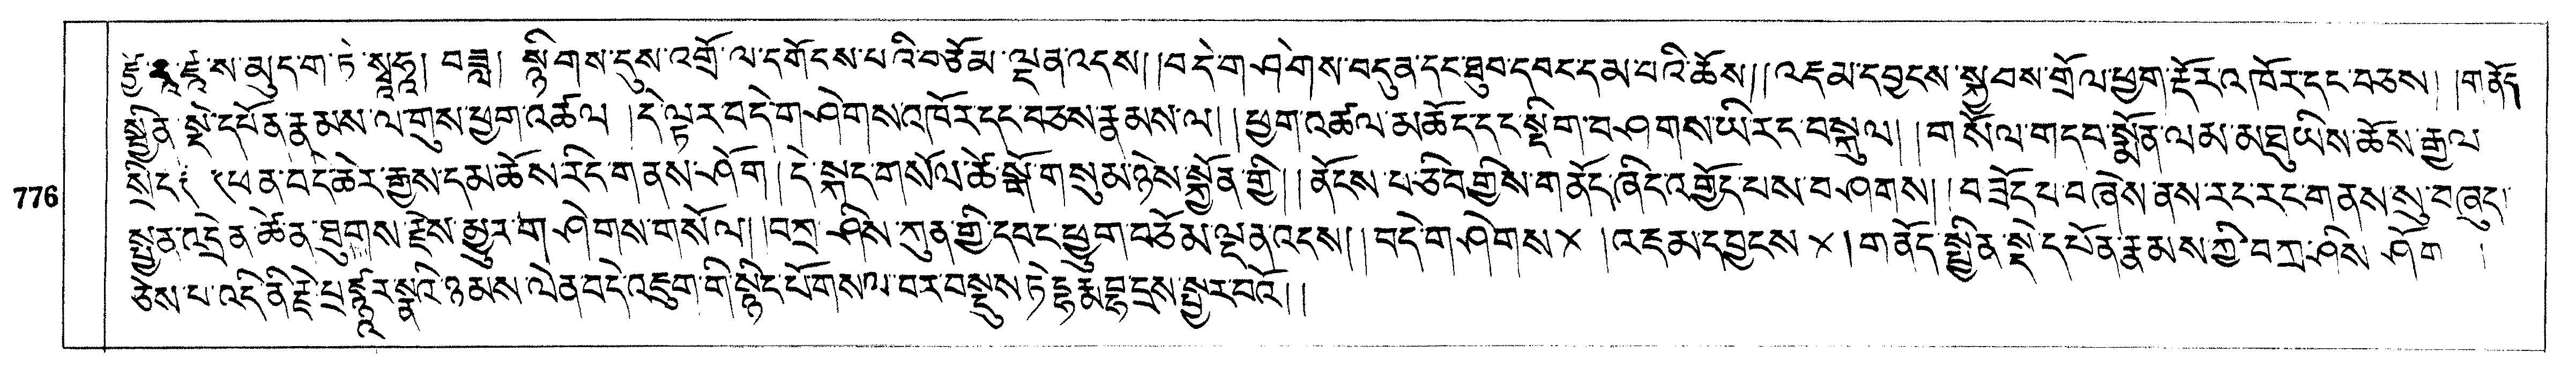ཛྱེ་རཱ་ཛཱ་ས་མུད་ག་ཏེ་སྭཱཧཱ། བཟླ། སྙིགས་དུས་འགྲོ་ལ་དགོངས་པའི་བཅོམ་ལྡན་འདས། །བདེ་གཤེགས་བདུན་དང་ཐུབ་དབང་དམ་པའི་ཆོས། །འཇམ་དབྱངས་སྐྱབས་གྲོལ་ཕྱག་རྡོར་འཁོར་དང་བཅས། །གནོད་
སྦྱིན་སྡེ་དཔོན་རྣམས་ལ་གུས་ཕྱག་འཚལ་།དེ་ལྟར་བདེ་གཤེགས་འཁོར་དང་བཅས་རྣམས་ལ། །ཕྱག་འཚལ་མཆོད་དང་སྡིག་བཤགས་ཡི་རང་བསྐུལ། །གསོལ་གདབ་སྨོན་ལམ་མཐུ་ཡིས་ཆོས་རྒྱལ་
སྲིད༑ ༑ཕན་བདེ་ཆེར་རྒྱས་དམ་ཆོས་རིང་གནས་ཤོག །དེ་སྐད་གསོལ་ཚེ་སྒོ་གསུམ་ཉེས་སྐྱོན་གྱི། །ནོངས་པ་ཅི་བགྱིས་གནོད་ཞིང་འགྱོད་པས་བཤགས། །བཟོད་པ་བཞེས་ནས་རང་རང་གནས་སུ་བཞུད།
སྤྱན་འདྲེན་ཚེ་ན་ཐུགས་རྗེས་མྱུར་གཤེགས་གསོལ། །བཀྲ་ཤིས་ཀུན་གྱི་དབང་ཕྱུག་བཅོམ་ལྡན་འདས། །བདེ་གཤེགས་྾། འཇམ་དབྱངས་྾། གནོད་སྤྱིན་སྡེ་དཔོན་རྣམས་ཀྱི་བཀྲ་ཤིས་ཤོག །
ཅེས་པ་འདི་ནི་རྗེ་པྲ་ཛྙཱ་རཏྣ་སྣའི་ཉམས་ལེན་བདེ་འཇུག་གི་སྙིང་པོ་གསལ་བར་བསྡུས་ཏེ་དྷརྨ་བྷ་དྲས་སྤྱར་བའོ།།